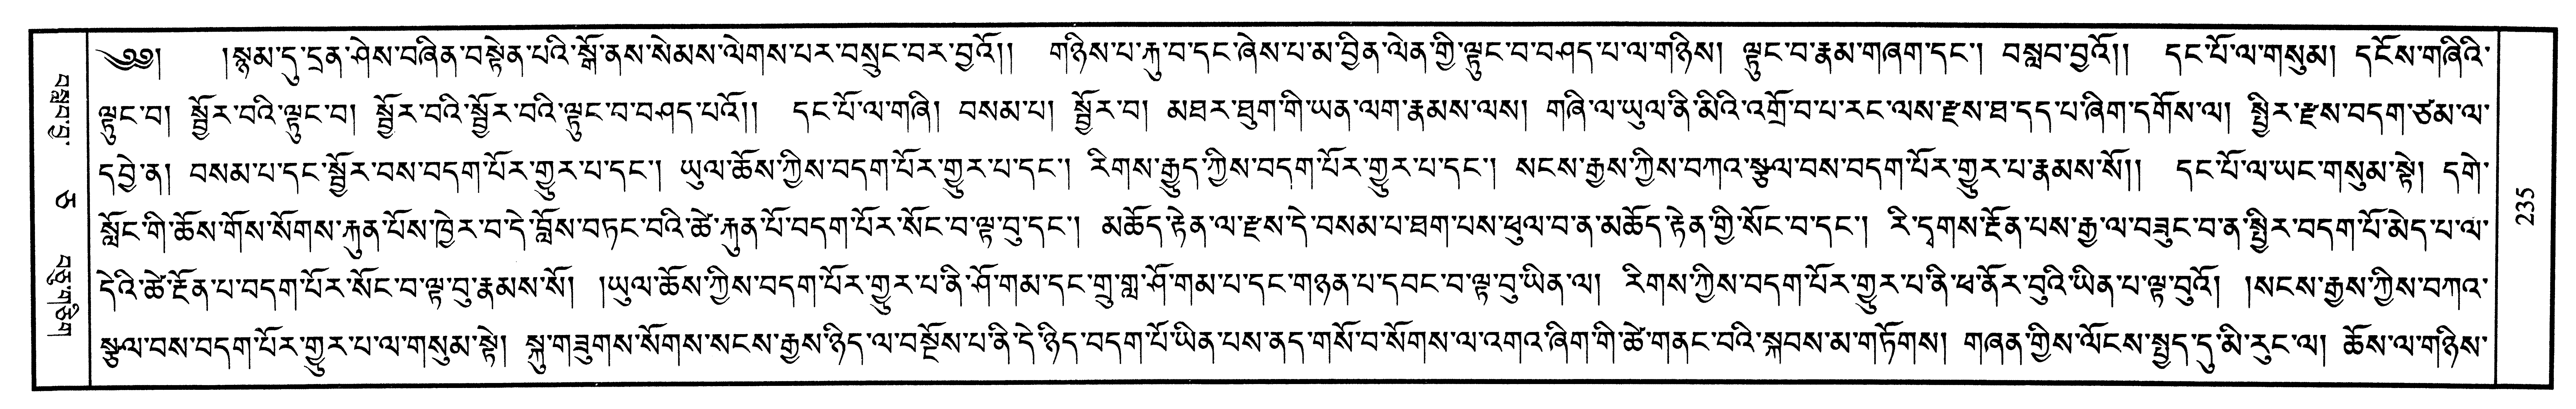༄༅། །སྙམ་དུ་དྲན་ཤེས་བཞིན་བསྟེན་པའི་སྒོ་ནས་སེམས་ལེགས་པར་བསྲུང་བར་བྱའོ།། གཉིས་པ་རྐུ་བ་དང་ཞེས་པ་མ་བྱིན་ལེན་གྱི་ལྟུང་བ་བཤད་པ་ལ་གཉིས། ལྟུང་བ་རྣམ་གཞག་དང་། བསླབ་བྱའོ།། དང་པོ་ལ་གསུམ། དངོས་གཞིའི་
ལྟུང་བ། སྦྱོར་བའི་ལྟུང་བ། སྦྱོར་བའི་སྦྱོར་བའི་ལྟུང་བ་བཤད་པའོ།། དང་པོ་ལ་གཞི། བསམ་པ། སྦྱོར་བ། མཐར་ཐུག་གི་ཡན་ལག་རྣམས་ལས། གཞི་ལ་ཡུལ་ནི་མིའི་འགྲོ་བ་པ་རང་ལས་རྫས་ཐ་དད་པ་ཞིག་དགོས་ལ། སྤྱིར་རྫས་བདག་ཙམ་ལ་
དབྱེ་ན། བསམ་པ་དང་སྦྱོར་བས་བདག་པོར་གྱུར་པ་དང་། ཡུལ་ཆོས་ཀྱིས་བདག་པོར་གྱུར་པ་དང་། རིགས་རྒྱུད་ཀྱིས་བདག་པོར་གྱུར་པ་དང་། སངས་རྒྱས་ཀྱིས་བཀའ་སྩལ་བས་བདག་པོར་གྱུར་པ་རྣམས་སོ།། དང་པོ་ལ་ཡང་གསུམ་སྟེ། དགེ་
སློང་གི་ཆོས་གོས་སོགས་རྐུན་པོས་ཁྱེར་བ་དེ་བློས་བཏང་བའི་ཚེ་རྐུན་པོ་བདག་པོར་སོང་བ་ལྟ་བུ་དང་། མཆོད་རྟེན་ལ་རྫས་དེ་བསམ་པ་ཐག་པས་ཕུལ་བ་ན་མཆོད་རྟེན་གྱི་སོང་བ་དང་། རི་དྭགས་རྔོན་པས་རྒྱ་ལ་བཟུང་བ་ན་སྤྱིར་བདག་པོ་མེད་པ་ལ་
དེའི་ཚེ་རྔོན་པ་བདག་པོར་སོང་བ་ལྟ་བུ་རྣམས་སོ། །ཡུལ་ཆོས་ཀྱིས་བདག་པོར་གྱུར་པ་ནི་ཤོ་གམ་དང་གྲུ་གླ་ཤོ་གམ་པ་དང་གཉན་པ་དབང་བ་ལྟ་བུ་ཡིན་ལ། རིགས་ཀྱིས་བདག་པོར་གྱུར་པ་ནི་ཕ་ནོར་བུའི་ཡིན་པ་ལྟ་བུའོ། །སངས་རྒྱས་ཀྱིས་བཀའ་
སྩལ་བས་བདག་པོར་གྱུར་པ་ལ་གསུམ་སྟེ། སྐུ་གཟུགས་སོགས་སངས་རྒྱས་ཉིད་ལ་བསྔོས་པ་ནི་དེ་ཉིད་བདག་པོ་ཡིན་པས་ནད་གསོ་བ་སོགས་ལ་འགའ་ཞིག་གི་ཚེ་གནང་བའི་སྐབས་མ་གཏོགས། གཞན་གྱིས་ལོངས་སྤྱད་དུ་མི་རུང་ལ། ཆོས་ལ་གཉིས་